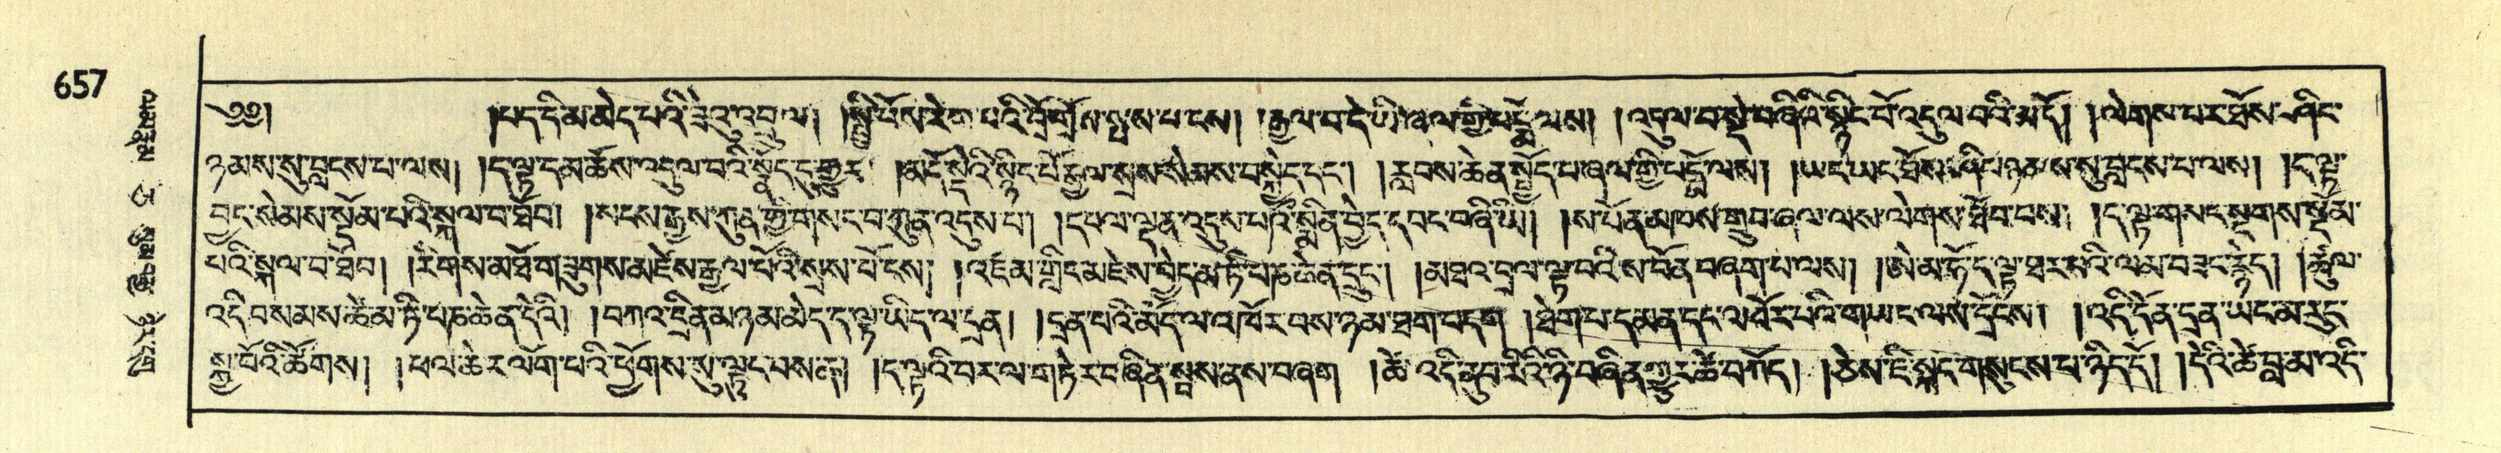༄༅། །པད་དི་མ་མེད་པའི་ཟེའུ་འབྲུལ། །སྤྱི་པོས་རེག་པའི་བློ་གྲོས་སྤས་པ་ངས། །རྒྱལ་བ་དེ་ཡི་ཞལ་གྱི་པདམོ་ལས། །འདུལ་བ་སྡེ་བཞིའི་སྙིང་པོ་འདུལ་བའི་མདོ། །ལེགས་པར་ཐོས་ཤིང་
ཉམས་སུ་བླངས་པ་ལས། །ད་ལྟ་དམ་ཆོས་འདུལ་བའི་སྣོད་དུ་གྱུར། །མདོ་སྡེའི་སྙིང་པོ་རྒྱལ་སྲས་སེམས་བསྐྱེད་དང་། །རླབས་ཆེན་སྤྱོད་པ་ཞལ་གྱི་པདམོ་ལས། །ཡང་ཡང་ཐོས་ཤིང་ཉམས་སུ་བླངས་པ་ལས། །ད་ལྟ་
བྱང་སེམས་སྡོམ་པའི་སྐལ་བ་ཐོབ། །སངས་རྒྱས་ཀུན་གྱི་གསང་བ་ཀུན་འདུས་པ། །དཔལ་ལྡན་འདུས་པའི་སྨིན་བྱེད་དབང་བཞི་ཡི། །ས་བོན་མཁས་གྲུབ་ཞལ་ལས་ལེགས་ཐོབ་པས། །ད་ལྟ་གསང་སྔགས་སྡོམ་
པའི་སྐལ་བ་ཐོབ། །རིགས་མཐོ་གཟུགས་མཛེས་རྒྱལ་པོའི་སྲས་པོ་ངས། །འཛམ་གླིང་མཛེས་བྱེད་མ་ཏི་པཎ་ཆེན་དྲུང་། །མཐའ་བྲལ་ལྟ་བའི་ས་བོན་བཞག་པ་ལས། །ཨེ་མ་ཧོ་ད་ལྟ་ཐར་པའི་ལམ་བཟང་རྙེད། །ཚུལ་
འདི་བསམས་ཚེ་མ་ཏི་པཎ་ཆེན་དེའི། །བཀའ་དྲིན་མཉམ་མེད་ད་ལྟ་ཡིད་ལ་དྲན། །དྲན་པའི་མོད་ལ་འཁོར་བས་ཉམ་ཐག་བདག །ཐེག་པ་དམན་དང་འཁོར་པའི་གཡང་ལས་དྲོངས། །འདི་དོན་དྲན་ཡང་མ་རུང་
སྐྱ་བོའི་ཚོགས། །ཕལ་ཆེར་ལོག་པའི་ཕྱོགས་སུ་ལྟུང་བས་ན། །ད་ལྟའི་བར་ལ་གཏེར་བཞིན་སྦས་ནས་བཞག །ཚེ་འདི་ནུབ་རིའི་ཉི་བཞིན་གྱུར་ཚེ་བཀོད། །ཅེས་ཇི་སྐད་གསུངས་པ་ཉིད་དོ། །དེའི་ཚེ་བླ་མ་འདི་